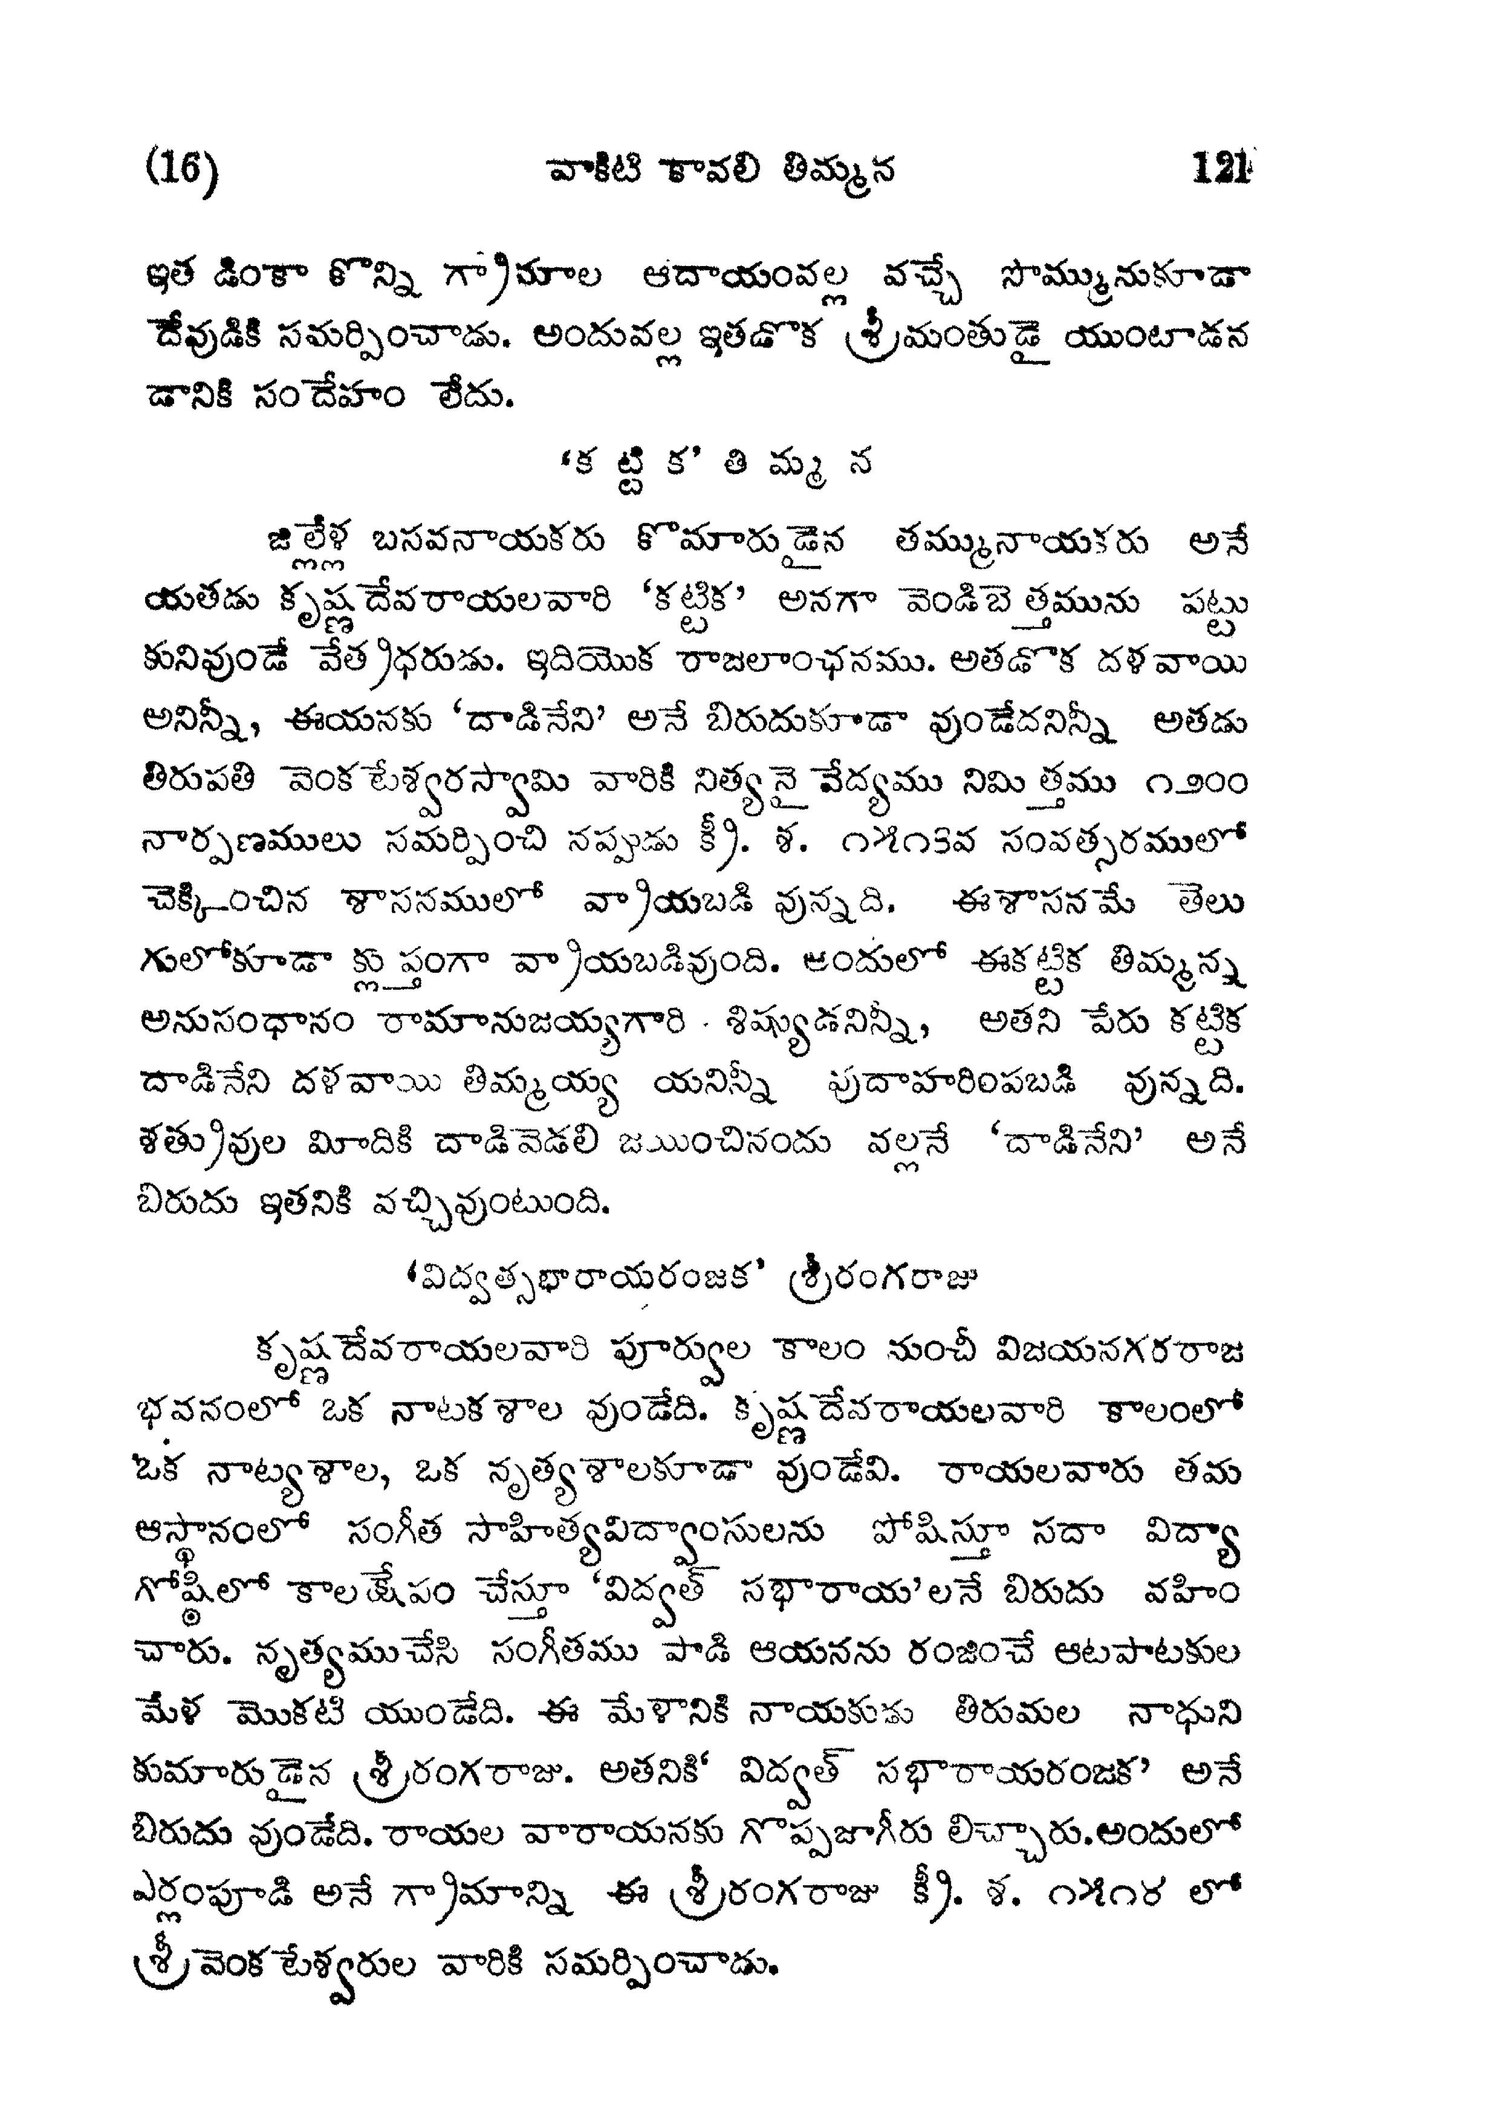ఇత డింకా కొన్ని గ్రామాల ఆదాయంవల్ల వచ్చే సొమ్మునుకూడా దేవుడికి సమర్పించాడు అందువల్ల ఇతడొక శ్రీమంతుడై యుంటాడనడానికి సందేహం లేదు.

జిల్లేళ్ల బసవనాయకరు కొమారూడైన తమ్మునాయకరు అనే యతడు కృష్ణదేవరాయలవారి 'కట్టిక ' అనగా వెండిబెత్తమును పట్టుకొని వుండే వేత్రధరుడు. ఇదియొక రాజలాంఛనము అతడొక దళవాయి అనిన్నీ, ఈయనకు 'దాడినేని ' అనే బిరుదుకూడా వుండేదనిన్నీ అతడు తిరుపతి వెంకటేశ్వరస్వామి వారికి నిత్యనైవేద్యము నిమిత్తము 1200 నార్పణములు సమర్పించి నప్పుడు క్రీ.శ.1513 వ సంవత్సరములో చెక్కించిన శాసనములో వ్రాయబడి వున్నది. ఈశాసనమే తెలుగులోకూడా క్లుప్తముగా వ్రాయబడివుంది. అందులో ఈకట్టిక తిమ్మన్న అనుసంధానం రామానుజయ్యగారి శిష్యుడనిన్నీ, అతని పేరు కట్టిక దాడినేని దళవాయి తిమ్మయ్య యనిన్నీ వుదాహరించబడి వున్నది. శత్రువుల మీదికి వెడలి జయించినందువల్లనే 'దాడినేని ' అనే బిరుదు ఇతనికి వచ్చివుంటుంది.

కృష్ణదేవరాయలవారి పూర్వుల కాలం నుంచీ విజయనగరరాజ భవనంలో ఒక నాటకశాల వుండేది. కృష్ణదేవరాయలవారి కాలంలో ఒక నాట్యశాల, ఒక నృత్యశాలకూడావుండేవి. రాయలవారు తమ ఆస్థానంలో సాహిత్యవిద్వ్గాంసులను పొషిస్తూ సదా విద్యాగోష్ఠిలో కాలక్షేపం చేస్తూ 'విద్వత్ సభారాయ' లనే బిరుదు వహించారు. నృత్యముచేసిన సంగీతము పాడి అయనను రంజించే ఆటపాటకుల మేళ మొకటి యుండేది.
ఈ మేళానికి నాయకుడు తిరుమల నాధుని కుమారుడైన శ్రీరంగరాజు. అతనికి 'విద్వత్ సభరాయరంజక' అనే బిరుదు ఉండేది. రాయల వారాయనకు గొప్పజాగీరులిచ్చారు. అందులో ఎర్లంపూడి అనే గ్రామాన్ని ఈ శ్రీరంగరాజు క్రీ.శ.1514 లో శ్రీవెంకటేశ్వరుల వారికి సమర్పించాడు.